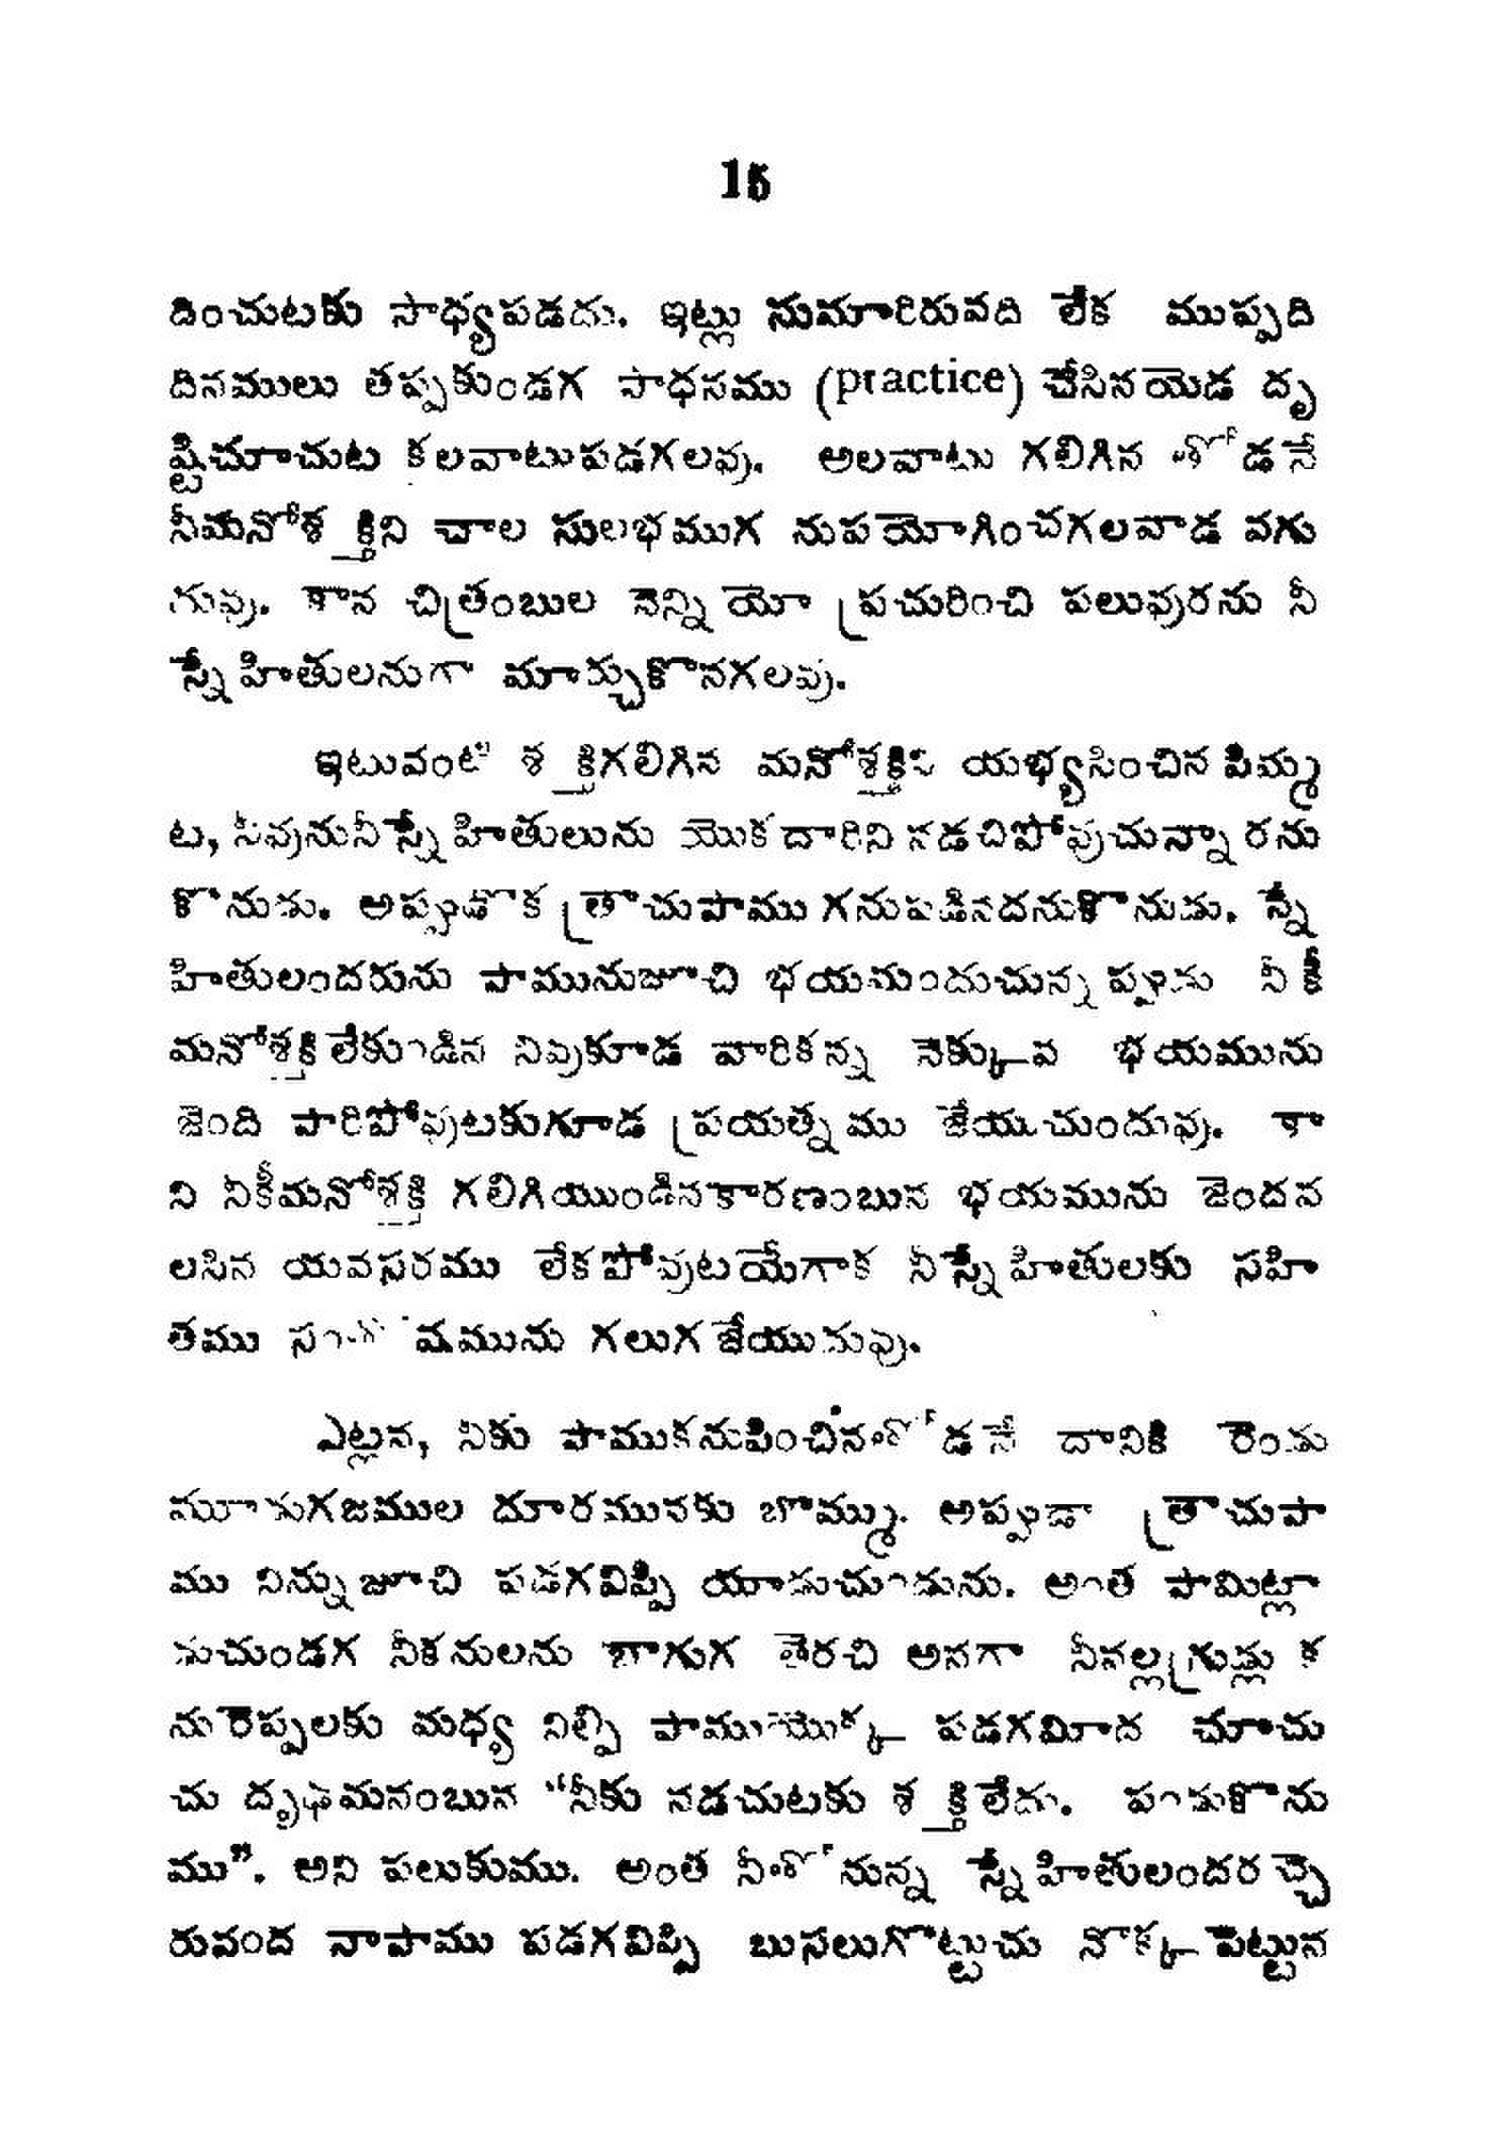దించుటకు సాధ్యపడదు. ఇట్లు సుమారిరువది లేక ముప్పది దినములు తప్పకుండగ సాధనము (practice) చేసినయెడ దృష్టిచూచుట కలవాటుపడగలవు. అలవాటు గలిగిన తోడనే నీమనోశక్తిని చాల సులభముగ నుపయోగించగలవాడ వగుదువు. కాన చిత్రంబుల నెన్నియో ప్రచురించి పలువురను నీ స్నేహితులనుగా మార్చుకొనగలవు.

ఇటువంటి శక్తిగలిగిన మనోశక్తిని యభ్యసించిన పిమ్మట, నీవునునీస్నేహితులును యొకదారిని నడచిపోవుచున్నారను కొనుడు. అప్పుడొక త్రాచుపాము గనుపడినదనుకొనుడు. స్నేహితులందరును పామునుజూచి భయమందుచున్నప్పుడు నీకీ మనోశక్తి లేకుండిన నీవుకూడ వారికన్న నెక్కువ భయమును జెంది పారిపోవుటకుగూడ ప్రయత్నము జేయుచుందువు. కాని నీకీమనోశక్తి గలిగియుండినకారణంబున భయమును జెందవలసిన యవసరము లేకపోవుటయేగాక నీస్నేహితులకు సహితము సంతోషమును గలుగజేయుదువు.

ఎట్లన, నీకు పాముకనుపించినతోడనే దానికి రెండుమూడుగజముల దూరమునకు బొమ్ము. అప్పుడా త్రాచుపాము నిన్నుజూచి పడగవిప్పి యాడుచుండును. అంత పామిట్లాడుచుండగ నీకనులను బాగుగ తెరచి అనగా నీనల్లగ్రుడ్లు కనురెప్పలకు మధ్య నిల్ఫి పాముయొక్క పడగమీద చూచుచు దృఢమనంబున “నీకు నడచుటకు శక్తిలేదు. పండుకొనుము". అని పలుకుము. అంత నీతో"నున్న స్నేహితులందరచ్చెరువంద నాపాము పడగవిప్పి బుసలుగొట్టుచు నొక్క పెట్టున